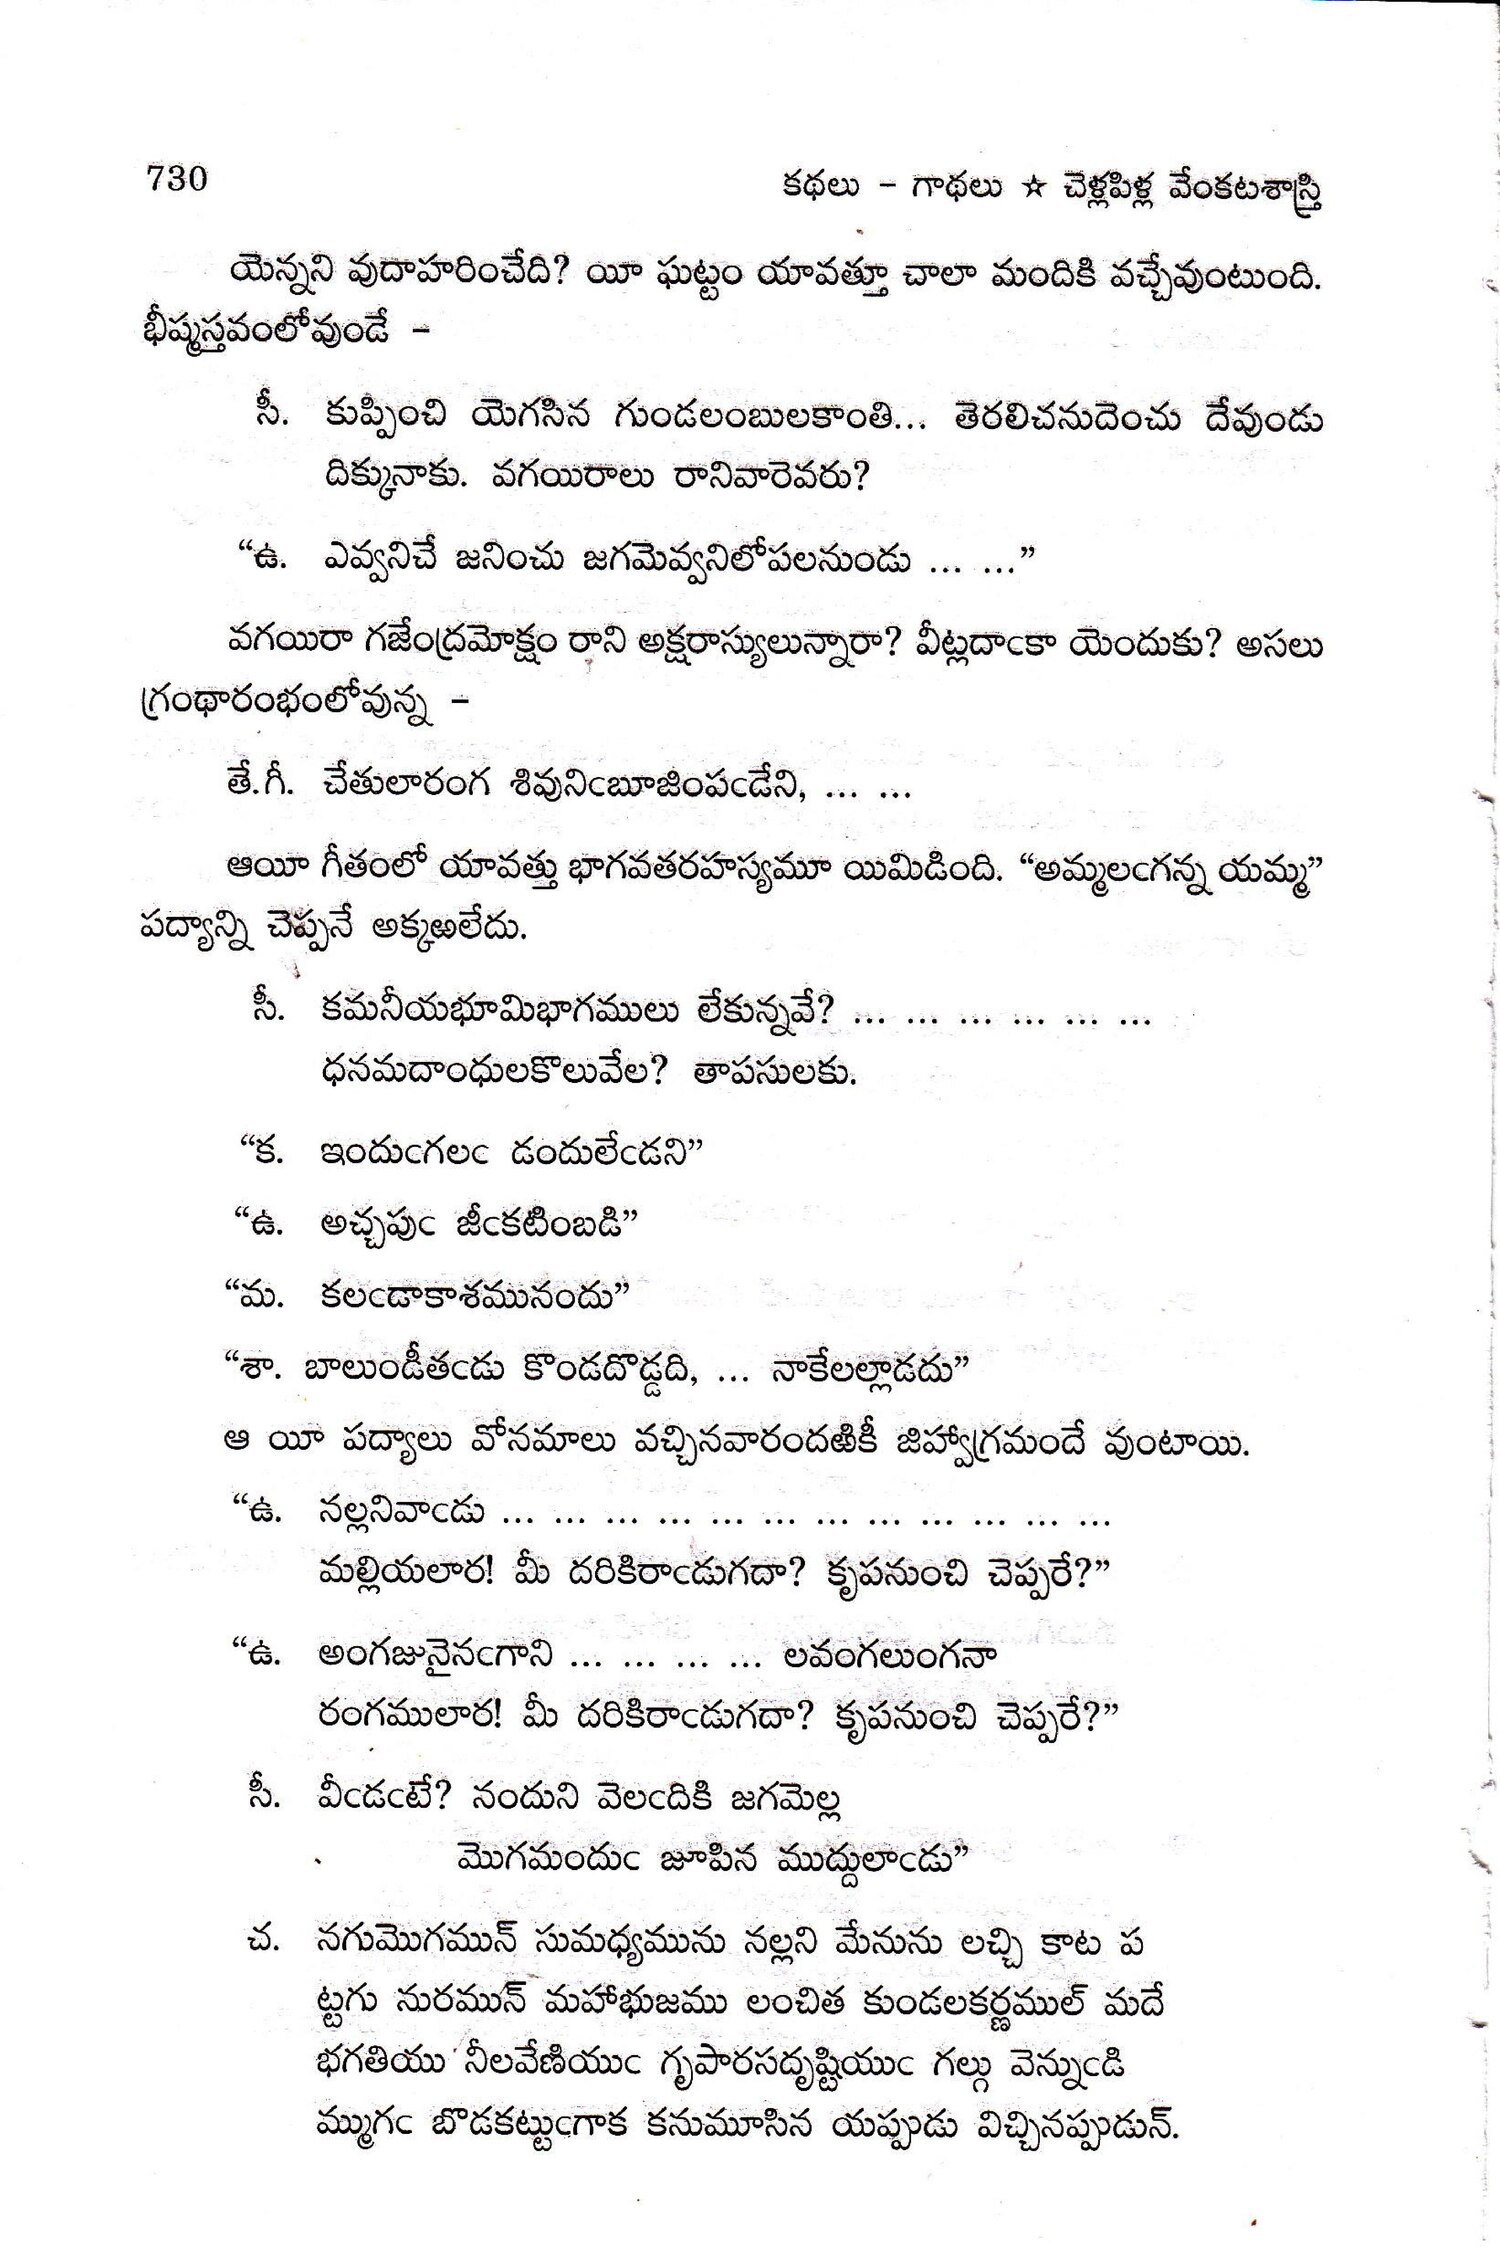యెన్నని వుదాహరించేది? యీ ఘట్టం యావత్తూ చాలా మందికి వచ్చేవుంటుంది. భీష్మస్తవంలోవుండే -

సీ. కుప్పించి యెగసిన గుండలంబులకాంతి. తెరలిచనుదెంచు దేవుండు దిక్కునాకు. వగయిరాలు రానివారెవరు? 

"ఉ. ఎవ్వనిచే జనించు జగమెవ్వనిలోపలనుండు ... ..." 

వగయిరా గజేంద్రమోక్షం రాని అక్షరాస్యులున్నారా? వీట్లదాఁకా యెందుకు? అసలు గ్రంథారంభంలోవున్న-

తే.గీ. చేతులారంగ శివునిఁబూజింపఁడేని, ... ... 

ఆయీ గీతంలో యావత్తు భాగవతరహస్యమూ యిమిడింది. "అమ్మలఁగన్నయమ్మ" పద్యాన్ని చెప్పనే అక్కఱలేదు.

సీ. కమనీయభూమిభాగములు లేకున్నవే? . . . . . .
 ధనమదాంధులకొలువేల? తాపసులకు.

“క. ఇందుఁగలఁ డందులేఁడని"

“ఉ. అచ్చపుఁ జీఁకటింబడి" 

“మ. కలఁడాకాశమునందు" 

“శా. బాలుండీతఁడు కొండదొడ్డది, ... నాకేలల్లాడదు" 

ఆ యీ పద్యాలు వోనమాలు వచ్చినవారందఱికీ జిహ్వాగ్రమందే వుంటాయి. 

"ఉ. నల్లనివాఁడు . . . . . . . . . . . . 
 మల్లియలార! మీ దరికిరాఁడుగదా? కృపనుంచి చెప్పరే?" 

“ఉ. అంగజునైనఁగాని ... ... ... ... లవంగలుంగనా
 రంగములార! మీ దరికిరాఁడుగదా? కృపనుంచి చెప్పరే?”

సీ. వీcడఁటే? నందుని వెలఁదికి జగమెల్ల
 మొగమందుఁ జూపిన ముద్దులాఁడు"

చ. నగుమొగమున్ సుమధ్యమును నల్లని మేనును లచ్చి కాట ప
 ట్టగు నురమున్ మహాభుజము లంచిత కుండలకర్ణముల్ మదే 
 భగతియు 'నీలవేణియుఁ గృపారసదృష్టియుఁ గల్గు వెన్నుఁడి 
 మ్ముగఁ బొడకట్టుఁగాక కనుమూసిన యప్పుడు విచ్చినప్పుడున్.